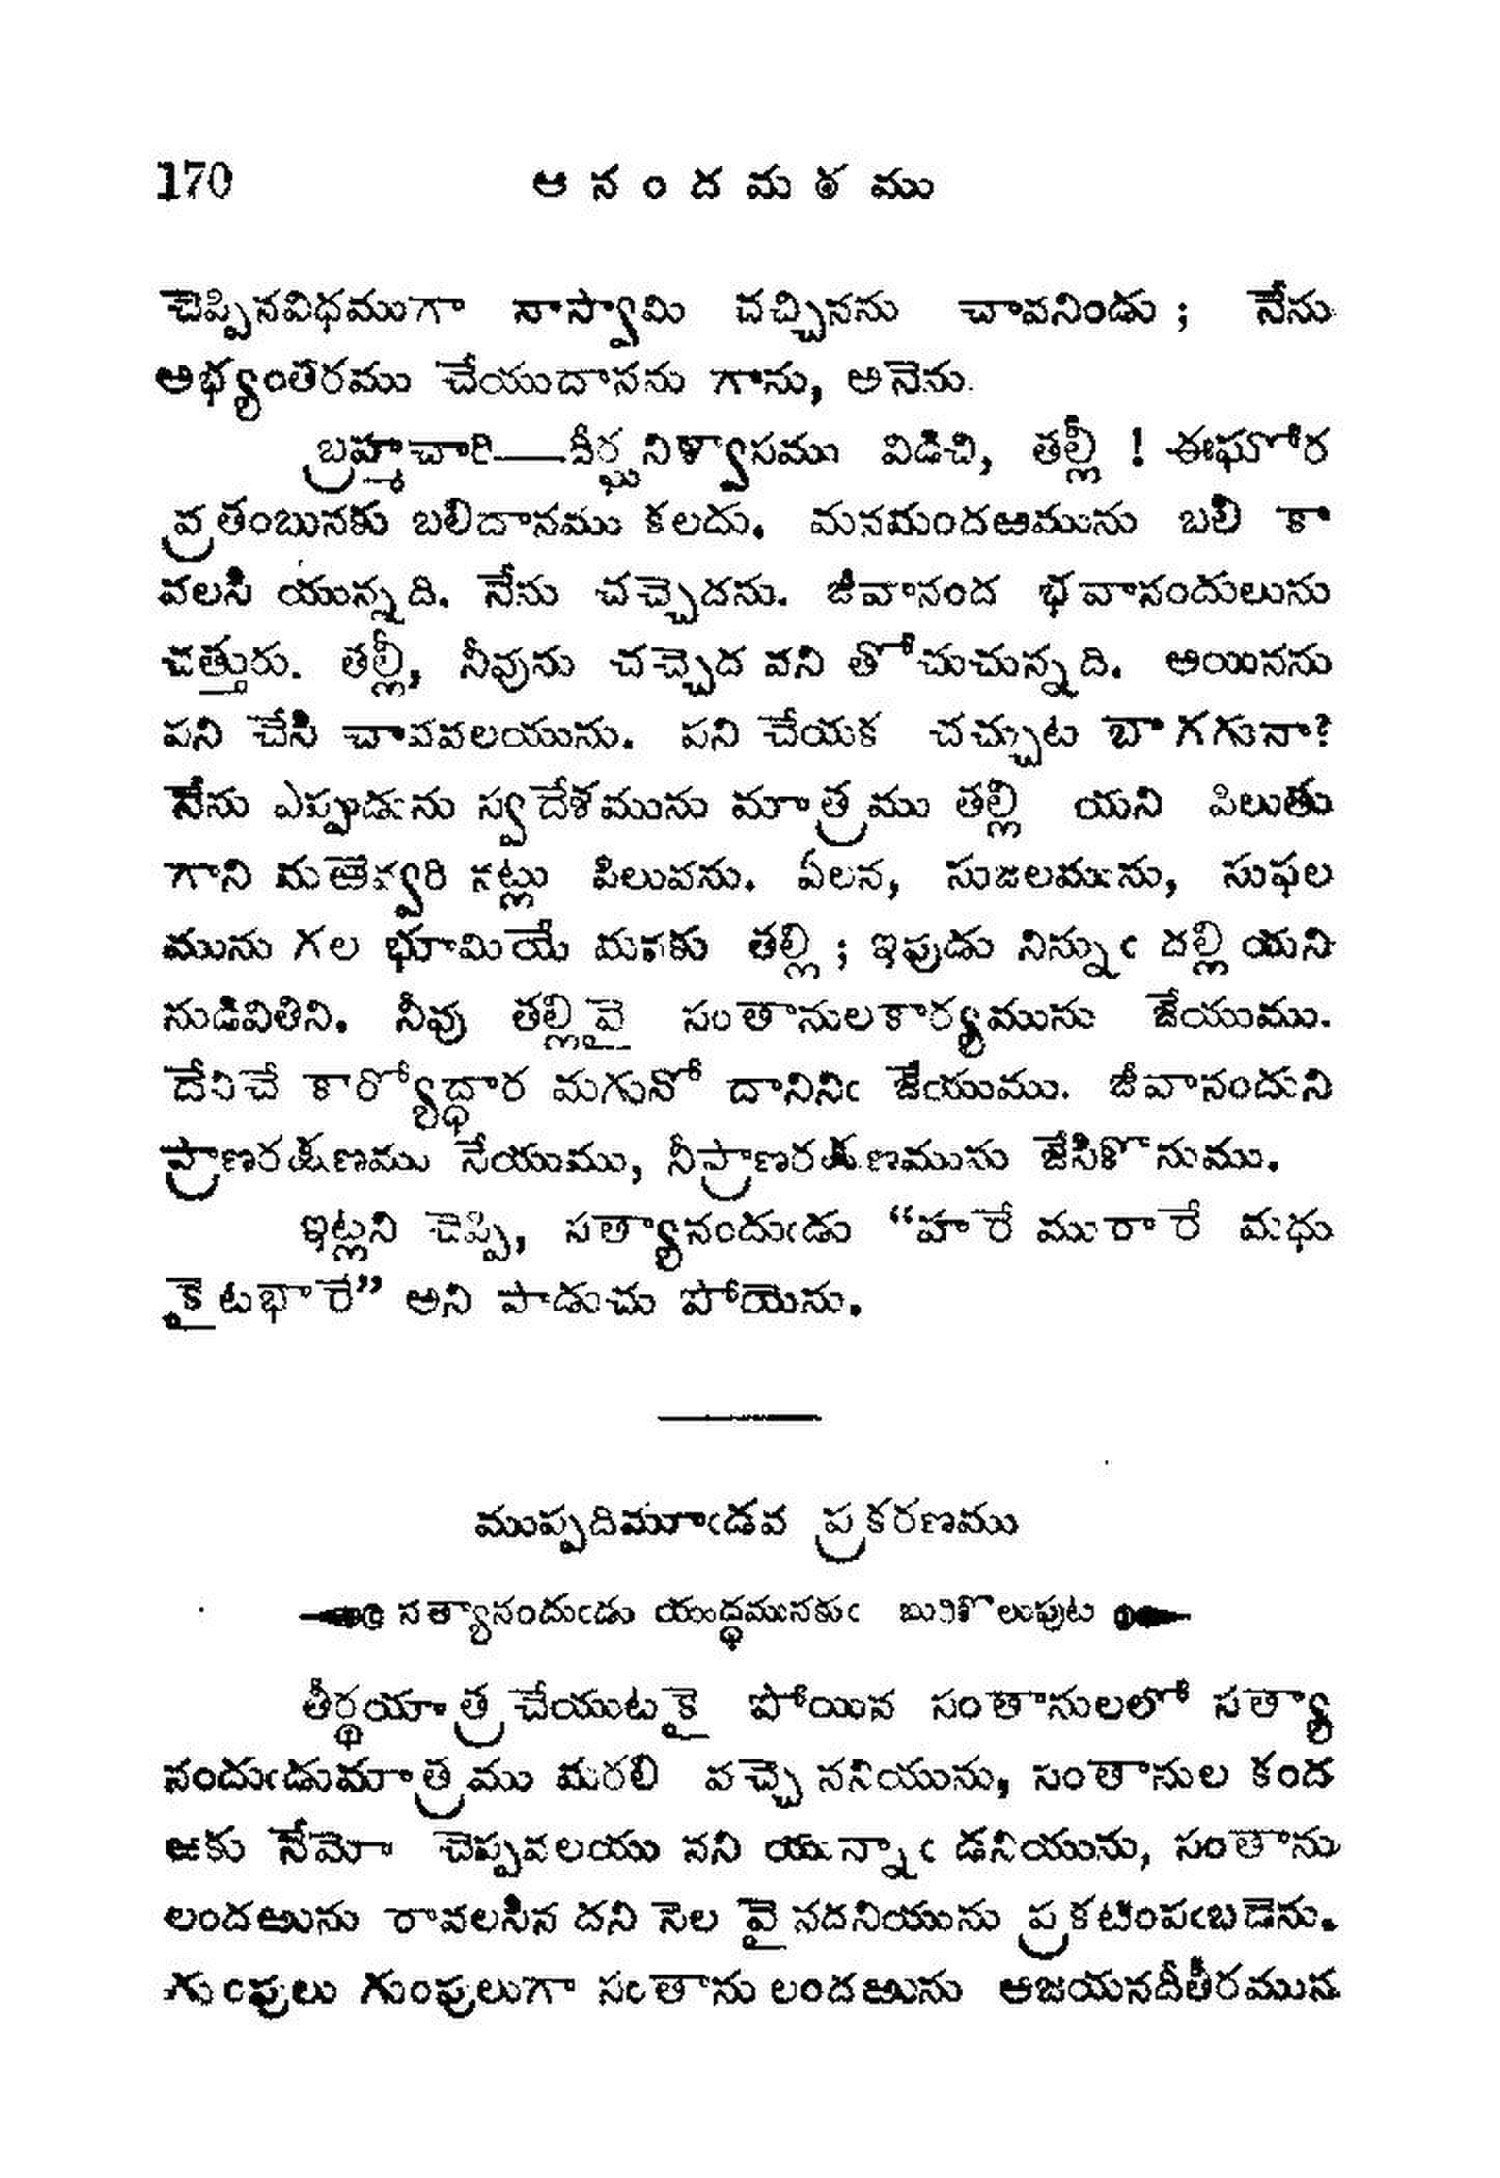చెప్పినవిధముగా నాస్వామి చచ్చినను చావనిండు; నేను అభ్యంతరము చేయుదానను గాను, అనెను.

బ్రహ్మచారి—— దీర్ఘ నిశ్వాసము విడిచి, తల్లీ ! ఈఘోర వ్రతంబునకు బలిదానము కలదు. మనమందఱమును బలి కా
వలసి యున్నది, నేను చచ్చెదను. జీవానంద భవానందులును చత్తురు. తల్లీ, నీవును చచ్చెద వని తోచుచున్నది. అయినను పని చేసి చావవలయును. పని చేయక చచ్చుట బాగగునా? నేను ఎప్పుడును స్వదేశమును మాత్రము తల్లి యని పిలుతు గాని మఱెవ్వరి నట్లు పిలువను. ఏలన, సుజలమును, సుఫలమును గల భూమియే మనకు తల్లి; ఇపుడు నిన్నుఁ దల్లియని నుడివితిని. నీవు తల్లివై సంతానుల కార్యమును జేయుము. దేనిచే కార్యోధార మగునో దానినిఁ జేయుము. జీవానందుని ప్రాణరక్షణము సేయుము, నీ ప్రాణరక్షణమును జేసికొనుము.

ఇట్లని చెప్పి, సత్యానందుఁడు “హరే మురారే మధుకైటభారే” అని పాడుచు పోయెను.

ముప్పది మూఁడవ ప్రకరణము

సత్యానందుఁడు యుద్ధమునకుఁ బురికొలుపుట

తీర్థయాత్ర చేయుటకై పోయిన సంతానులలో సత్యానందుఁడు మాత్రము మరలి వచ్చె ననియును, సంతానుల కండఱకు 'నేమో చెప్పవలయు నని యున్నాఁ డనియును, సంతానులందఱును రావలసిన దని సెల వైనదనియును ప్రకటింపఁబడెను. గుంపులు గుంపులుగా సంతాను లందఱును అజయనదీతీరమున